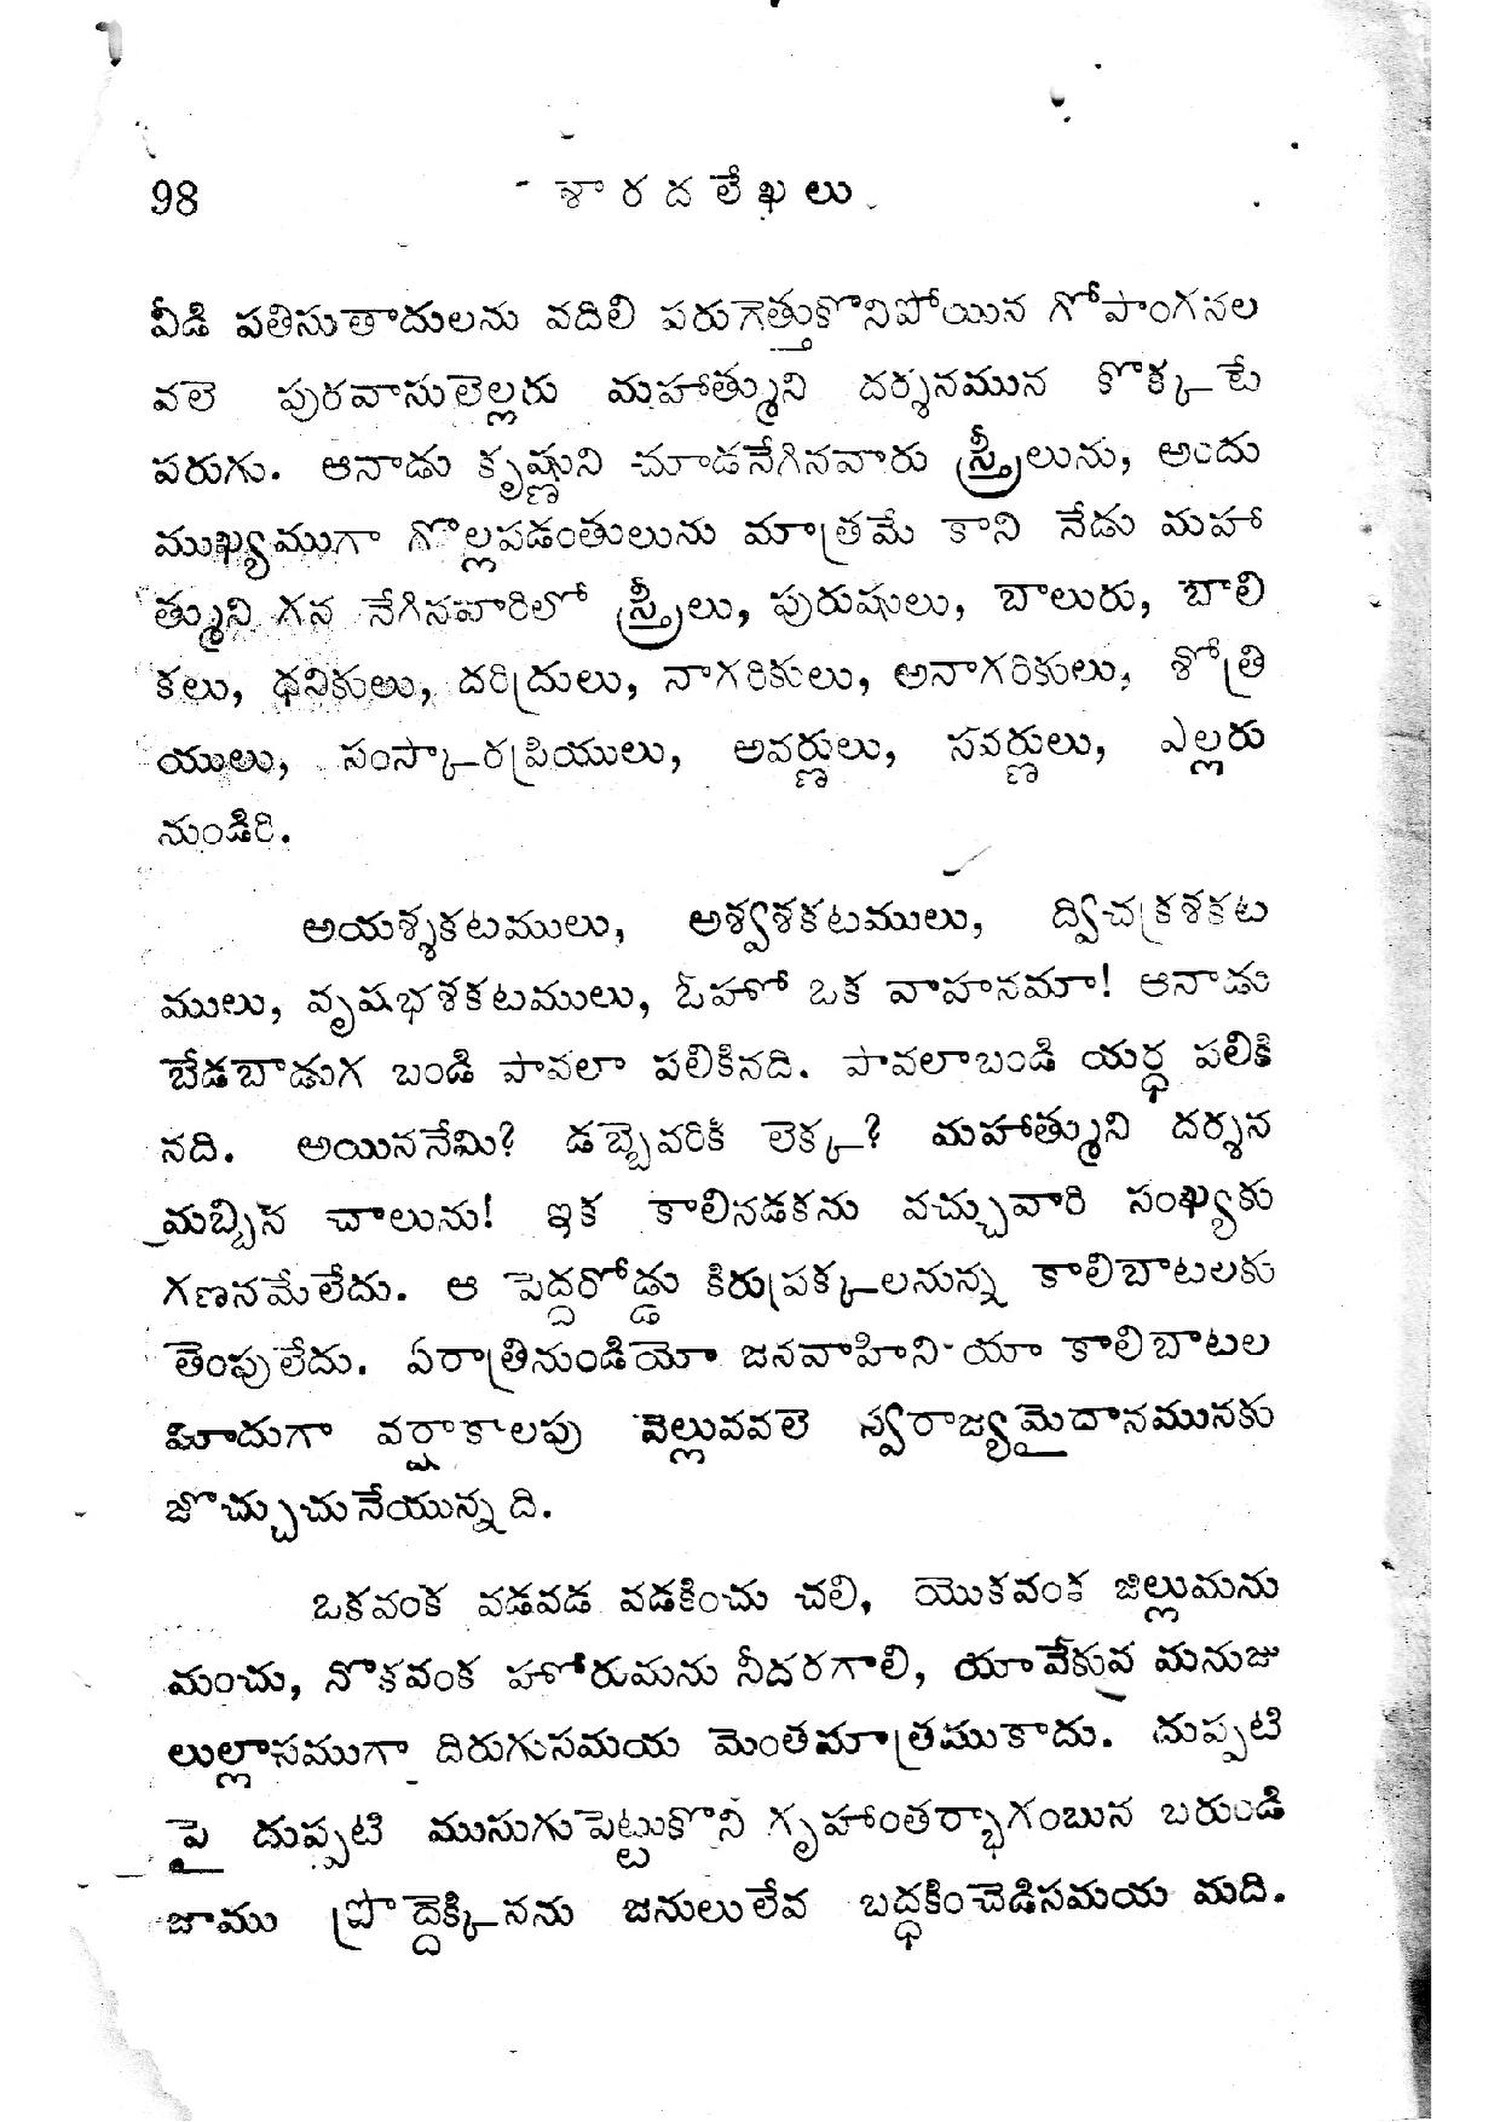వీడి పతిసుతాదులను వదిలి పరుగెత్తుకొనిపోయిన గోపాంగనల
వలె పురవాసులెల్లరు మహాత్ముని దర్శనమున కొక్కటే
పరుగు. ఆనాడు కృష్ణుని చూడనేగినవారు స్త్రీలును, అందు
ముఖ్యముగా గొల్లపడంతులును మాత్రమే కాని నేడు మహా
త్ముని గన నేగినవారిలో స్త్రీలు, పురుషులు, బాలురు, బాలి
కలు, ధనికులు, దరిద్రులు, నాగరికులు, అనాగరికులు, శోత్రి
యులు, సంస్కారప్రియులు, అవర్ణులు, సవర్ణులు, ఎల్లరు
నుండిరి.

అయశ్శకటములు, అశ్వశకటములు, ద్విచక్రశకట
ములు, వృషభశకటములు, ఓహో ఒక వాహనమా! ఆనాడు
బేడబాడుగ బండి పావలా పలికినది. పావలాబండి యర్ధ పలికి
నది. అయిననేమి ? డబ్బెవరికీ లెక్క? మహాత్ముని దర్శన
మబ్బిన చాలును! ఇక కాలినడకను వచ్చువారి సంఖ్యకు
గణనమేలేదు. ఆ పెద్దరోడ్డు కిరుప్రక్కలనున్న కాలిబాటలకు
తెంపులేదు. ఏరాత్రినుండియో జనవాహిని యా కాలిబాటల
మీదుగా వర్షాకాలపు వెల్లువవలె స్వరాజ్య మైదానమునకు
జొచ్చుచునేయున్నది.

ఒకవంక వడవడ వడకించు చలి, యొకవంక జిల్లుమను
మంచు, నొకవంక హోరుమను నీదర గాలి, యా వేకువ మనుజు
లుల్లాసముగా దిరుగు సమయ మెంతమాత్రముకాదు. దుప్పటి
పై దుప్పటి ముసుగు పెట్టుకొని గృహాంతర్భాగంబున బరుండి
జాము ప్రొద్దెక్కినను జనులు లేవ బద్ధకించెడిసమయ మది.